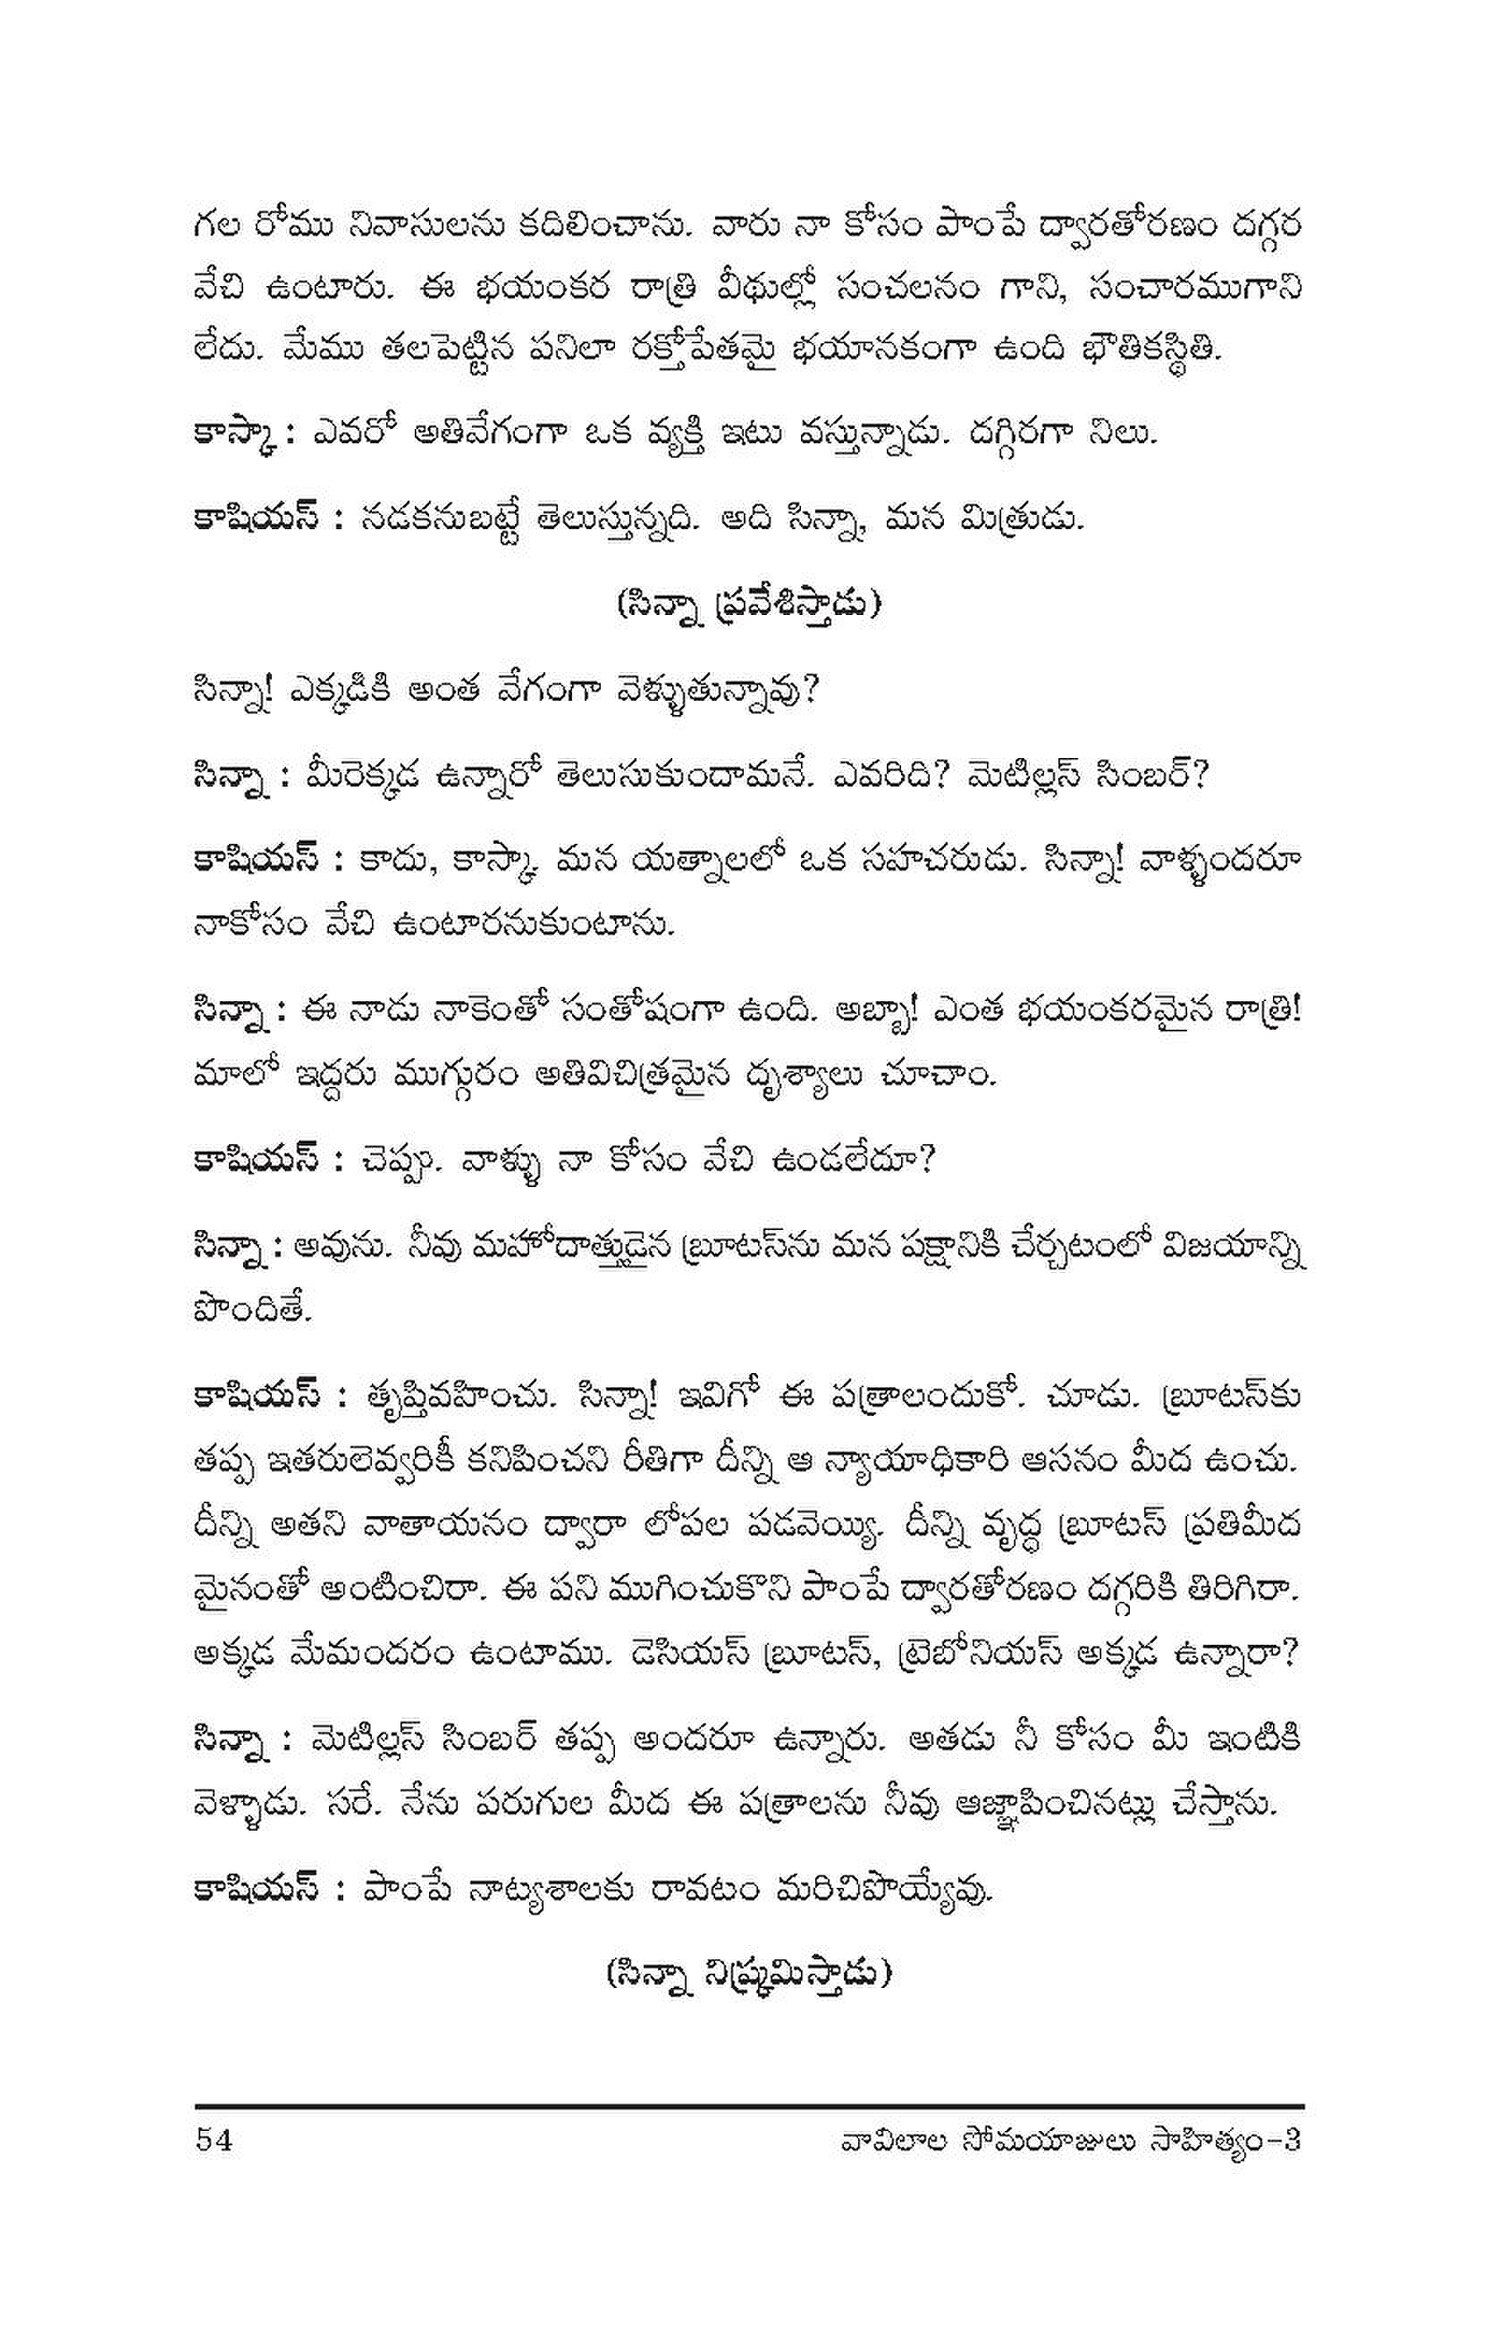గల రోము నివాసులను కదిలించాను. వారు నా కోసం పాంపే ద్వారతోరణం దగ్గర వేచి ఉంటారు. ఈ భయంకర రాత్రి వీథుల్లో సంచలనం గాని, సంచారముగాని లేదు. మేము తలపెట్టిన పనిలో రక్తోపేతమై భయానకంగా ఉంది భౌతికస్థితి.

కాస్కా : ఎవరో అతివేగంగా ఒక వ్యక్తి ఇటు వస్తున్నాడు. దగ్గిరగా నిలు.

కాషియస్ : నడకనుబట్టే తెలుస్తున్నది. అది సిన్నా, మన మిత్రుడు.

సిన్నా! ఎక్కడికి అంత వేగంగా వెళ్ళుతున్నావు?

సిన్నా : మీరెక్కడ ఉన్నారో తెలుసుకుందామనే. ఎవరిది? మెటిల్లస్ సింబర్?

కాషియస్ : కాదు, కాస్కా, మన యత్నాలలో ఒక సహచరుడు. సిన్నా! వాళ్ళందరూ నాకోసం వేచి ఉంటారనుకుంటాను.

సిన్నా : ఈ నాడు నాకెంతో సంతోషంగా ఉంది. అబ్బా! ఎంత భయంకరమైన రాత్రి! మాలో ఇద్దరు ముగ్గురం అతివిచిత్రమైన దృశ్యాలు చూచాం.

కాషియస్ : చెప్పు. వాళ్ళు నా కోసం వేచి ఉండలేదూ?

సిన్నా : అవును. నీవు మహోదాత్తుడైన బ్రూటస్ ను మన పక్షానికి చేర్చటంలో విజయాన్ని పొందితే.

కాషియస్ : తృప్తివహించు. సిన్నా! ఇవిగో ఈ పత్రాలందుకో. చూడు. బ్రూటస్ కు తప్ప ఇతరులెవ్వరికీ కనిపించని రీతిగా దీన్ని ఆ న్యాయాధికారి ఆసనం మీద ఉంచు. దీన్ని అతని వాతాయనం ద్వారా లోపల పడవెయ్యి. దీన్ని వృద్ధ బ్రూటస్ ప్రతిమీద మైనంతో అంటించారా. ఈ పని ముగించుకొని పాంపే ద్వారతోరణం దగ్గరికి తిరిగిరా.
అక్కడ మేమందరం ఉంటాము. డెసియస్ బ్రూటస్, ట్రెబోనియస్ అక్కడ ఉన్నారా?

సిన్నా : మెటిల్లస్ సింబర్ తప్ప అందరూ ఉన్నారు. అతడు నీ కోసం మీ ఇంటికి వెళ్ళాడు. సరే. నేను పరుగుల మీద ఈ పత్రాలను నీవు ఆజ్ఞాపించినట్లు చేస్తాను.

కాషియస్ : పాంపే నాట్యశాలకు రావటం మరిచిపొయ్యేవు.